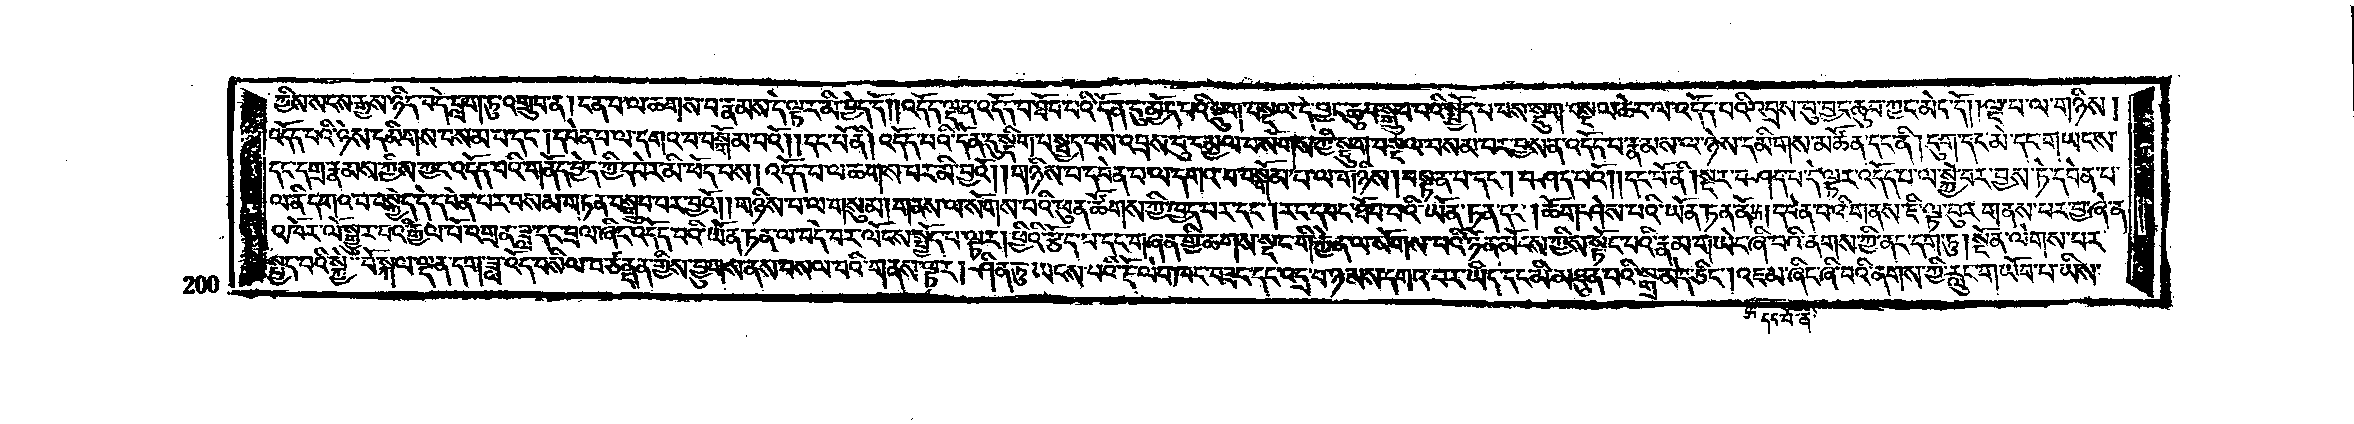ཀྱིས་སངས་རྒྱས་ཉིད་བདེ་བླག་ཏུ་འགྲུབ་ན། ངན་པ་ལ་ཆགས་པ་རྣམས་དེ་ལྟར་མི་བྱེད་དོ། །འདོད་ལྡན་འདོད་པ་ཐོབ་པའི་དོན་དུ་མྱོང་བའི་སྡུག་བསྔལ་དེ་བྱང་ཆུབ་སྒྲུབ་པའི་སྤྱོད་པ་པས་སྡུག་བསྔལ་ཆེར་ལ་འདོད་པའི་འབྲས་བུ་བྱང་ཆུབ་ཀྱང་མེད་དོ། །ལྔ་པ་ལ་གཉིས།
དོད་པའི་ཉེས་དམིགས་བསམ་པ་དང་། དབེན་པ་ལ་དགའ་བ་བསྒོམ་པའོ། །དང་པོ་ནི། འདོད་པའི་དོན་དུ་སྡིག་པ་སྤྱད་པས་འབྲས་བུ་དམྱལ་བ་སོགས་ཀྱི་སྡུག་བསྔལ་བསམ་པར་བྱས་ན་འདོད་པ་རྣམས་ལ་ཉེས་དམིགས་མཚོན་དང་ནི། དུག་དང་མེ་དང་གཡངས་
དང་དགྲ་རྣམས་ཀྱིས་ཀྱང་འདོད་པའི་གནོད་བྱེད་ཀྱི་དཔེར་མི་ཕོད་པས། འདོད་པ་ལ་ཆགས་པར་མི་བྱའོ། །གཉིས་པ་དབེན་པ་ལ་དགའ་བ་བསྒོམ་པ་ལ་གཉིས། བསྟན་པ་དང་། བཤད་པའོ། །དང་པོ་ནི། སྔར་བཤད་པ་དེ་ལྟར་འདོད་པ་ལ་སྐྱེ་བར་བྱས་ཏེ་དབེན་པ་
ལ་ནི་དགའ་བ་བསྐྱེད་དེ་དབེན་པར་བསམ་གཏན་བསྒྲུབ་པར་བྱའོ། །གཉིས་པ་ལ་གསུམ། གནས་ལ་སོགས་པའི་ཕུན་ཚོགས་ཀྱི་ཁྱད་པར་དང་། རང་དབང་ཐོབ་པའི་ཡོན་ཏན་དང་། ཆོག་ཤེས་པའི་ཡོན་ཏན་ནོ། དང་པོ་ནི། དབེན་པའི་གནས་ཇི་ལྟ་བུར་གནས་པར་བྱ་ཞེ་ན་
འཁོར་ལོ་སྒྱུར་བའི་རྒྱལ་པོ་འགྲན་ཟླ་བ་དང་བྲལ་ཞིང་འདོད་པའི་ཡོན་ཏན་ལ་བདེ་བར་ལོངས་སྤྱོད་པ་ལྟར། ཕྱིའི་རྩོད་པ་དང་གཞན་གྱི་ཆགས་སྡང་གི་རྐྱེན་ལ་སོགས་པའི་ཉོན་མོངས་ཀྱིས་སྟོང་པའི་རྣམ་གཡེང་ཞི་བའི་ནགས་ཀྱི་ནང་དག་ཏུ། སྔོན་ལེགས་པར་
སྤྱད་པའི་སྐྱེ་བོ་སྐལ་ལྡན་དག་ཟླ་འོད་བསིལ་བ་ཙནདན་གྱིས་བྱུགས་ནས་བསལ་བའི་གནས་ལྟར། ཤིན་ཏུ་ཡངས་པའི་རྡོ་ལེབ་ཁང་བཟང་དང་འདྲ་བ་ཉམས་དགའ་བར་ཡིད་དང་མི་མཐུན་པའི་སྒྲ་མེད་ཅིང་། འཇམ་ཞིང་ཞི་བའི་ནགས་ཀྱི་རླུང་གཡོབ་ཡིས་